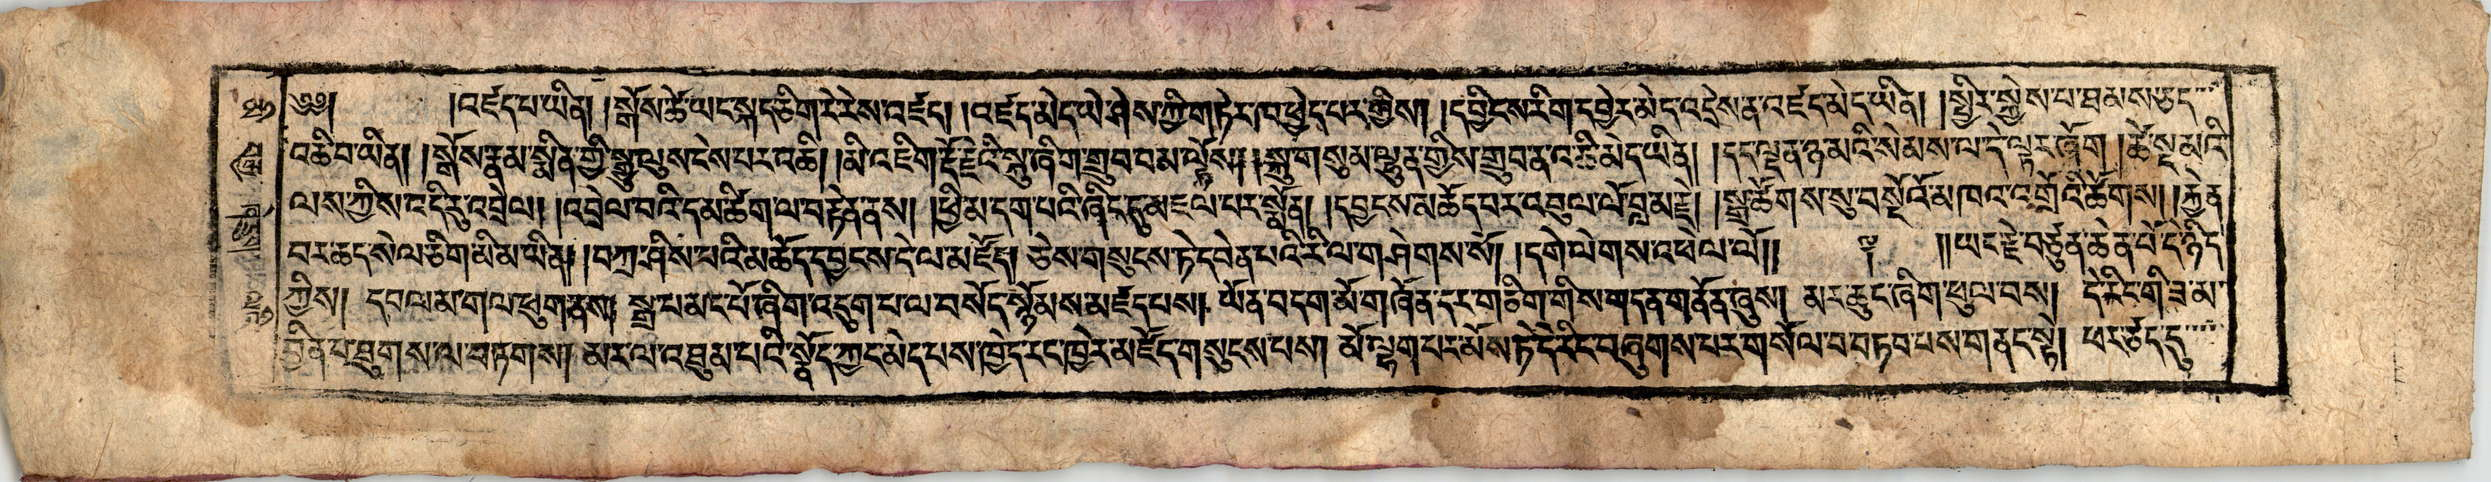འཛད་པ་ཡིན། །སྒོས་ཚེ་ལ་ཡང་སྐད་ཅིག་རེ་རེས་འཛད། །འཛད་མེད་ཡེ་ཤེས་ཀྱི་གཏེར་ཁ་ཕྱེད་པར་གྱིས། །དབྱིངས་རིག་དབྱེར་མེད་འདྲེས་ན་འཛད་མེད་ཡིན། །སྤྱིར་སྐྱེས་པ་ཐམས་ཅད་
འཆི་བ་ཡིན། །སྒོས་རྣམ་སྨིན་གྱི་སྒྱུ་ལུས་ངེས་པར་འཆི། །མི་འཇིག་རྡོ་རྗེའི་སྐུ་ཞིག་གྲུབ་བམ་ལྟོས། །སྐུ་གསུམ་ལྷུན་གྱིས་གྲུབ་ན་འཆི་མེད་ཡིན། །དད་ལྡན་ཉ་མའི་སེམས་ལ་དེ་ལྟར་ཞོག །ཚེ་སྔ་མའི་
ལས་ཀྱིས་འདི་རུ་འབྲེལ། །འབྲེལ་བའི་དམ་ཚིག་ལ་བརྟེན་ནས། །ཕྱི་མ་དག་པའི་ཞིང་དུ་མཇལ་བར་སྨོན། །དབྱངས་མཆོད་པར་འབུལ་ལོ་བླ་མ་རྗེ། །སྒྲ་ཚོགས་སུ་བསྔོའོ་མཁའ་འགྲོའི་ཚོགས། །རྐྱེན་
བར་ཆད་སེལ་ཅིག་མི་མ་ཡིན། །བཀྲ་ཤིས་པའི་མཆོད་དབྱངས་དེ་ལ་མཛོད། ཅེས་གསུངས་ཏེ་དབེན་པའི་རི་ལ་གཤེགས་སོ། །དགེ་ལེགས་འཕེལ་ལོ།། ཡང་རྗེ་བཙུན་ཆེན་པོ་དེ་ཉིད་
ཀྱིས། དབལ་མ་གལ་ཕུག་ནས། སྦྲ་པ་མང་པོ་ཞིག་འདུག་པ་ལ་བསོད་སྙོམས་མཛད་པས། ཡོན་བདག་མོ་གཞོན་དར་གཅིག་གིས་གདན་གནོན་ཞུས། མར་ཆུང་ཞིག་ཕུལ་བས། དེ་རིང་གི་ཟ་མ་
བྱིན་པ་ཐུགས་ལ་བཏགས། མར་ལ་འཐུམ་པའི་སྣོད་ཀྱང་མེད་པས་ཁྱེད་རང་ཁྱེར་མཛོད་གསུངས་པས། མོ་ལྷག་པར་མོས་ཏེ་དེ་རིང་བཞུགས་པར་གསོལ་བ་བཏབ་པས་གནང་སྟེ། ཕར་ཙང་དུ་